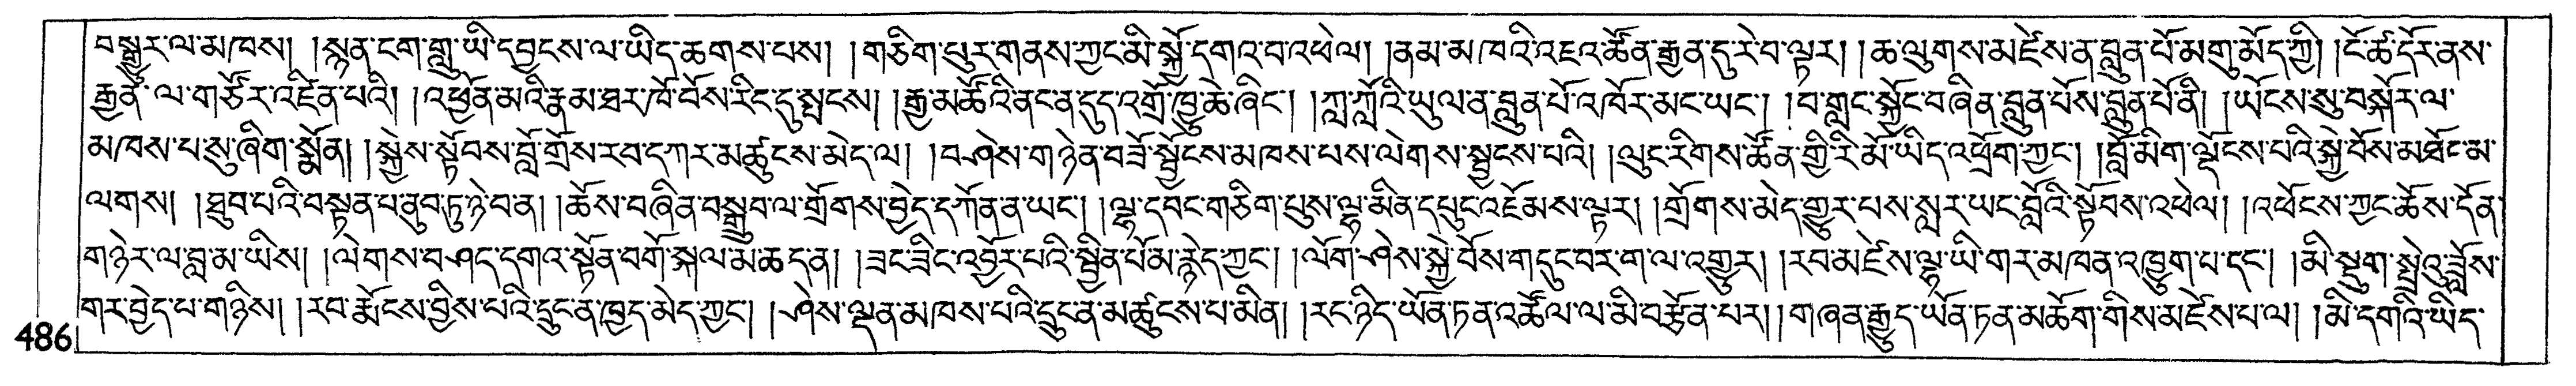བསྒྱུར་ལ་མཁས། །སྙན་ངག་གླུ་ཡི་དབྱངས་ལ་ཡིད་ཆགས་པས། །གཅིག་པུར་གནས་ཀྱང་མི་སྐྱོ་དགའ་བ་འཕེལ། །ནམ་མཁའི་འཇའ་ཚོན་རྒྱན་དུ་རེ་བ་ལྟར། །ཆ་ལུགས་མཛེས་ན་བླུན་པོ་མགུ་མོད་ཀྱི། །ངོ་ཚ་དོར་ནས་
རྒྱན་ལ་གཙོར་འཛིན་པའི། །འཕྱོན་མའི་རྣམ་ཐར་ཁོ་བོས་རིང་དུ་སྤངས། །རྒྱ་མཚོའི་ནང་ན་དུད་འགྲོ་ཁྱུ་ཆེ་ཞིང་། །ཀླ་ཀློའི་ཡུལ་ན་བླུན་པོ་འཁོར་མང་ཡང་། །བ་གླང་སྐྱོང་བཞིན་བླུན་པོས་བླུན་པོ་ནི། །ཡོངས་སུ་བསྐོར་ལ་
མཁས་པ་སུ་ཞིག་སྨོན། །སྐྱེས་སྟོབས་བློ་གྲོས་རབ་དཀར་མཚུངས་མེད་ལ། །བཤེས་གཉེན་བཟོ་སྦྱོངས་མཁས་པས་ལེགས་སྦྱངས་པའི། །ལུང་རིགས་ཚོན་གྱི་རི་མོ་ཡིད་འཕྲོག་ཀྱང་། །བློ་མིག་ལྡོངས་པའི་སྐྱེ་བོས་མཐོང་མ་
ལགས། །ཐུབ་པའི་བསྟན་པ་ནུབ་ཏུ་ཉེ་བ་ན། །ཆོས་བཞིན་བསྒྲུབ་ལ་གྲོགས་བྱེད་དཀོན་ན་ཡང་། །ལྷ་དབང་གཅིག་པུས་ལྷ་མིན་དཔུང་འཇོམས་ལྟར། །གྲོགས་མེད་གྱུར་པས་སླར་ཡང་བློའི་སྟོབས་འཕེལ། །འཕོངས་ཀྱང་ཆོས་དོན་
གཉེར་ལ་བླ་མ་ཡིས། །ལེགས་བཤད་དགའ་སྟོན་བགོ་སྐལ་མ་ཆད་ན། །ཟང་ཟིང་འབྱོར་པའི་སྦྱིན་པོ་མ་རྙེད་ཀྱང་། །ལོག་ཤེས་སྐྱེ་བོས་གདུང་བར་ག་ལ་འགྱུར། །རབ་མཛེས་ལྷ་ཡི་གར་མཁན་འཁྱུག་པ་དང་། །མི་སྡུག་སྤྲེའུ་ཟློས་
གར་བྱེད་པ་གཉིས། །རབ་རྨོངས་བྱིས་པའི་དྲུང་ན་ཁྱད་མེད་ཀྱང་། །ཤེས་ལྡན་མཁས་པའི་དྲུང་ན་མཚུངས་པ་མིན། །རང་ཉིད་ཡོན་ཏན་འཚོལ་ལ་མི་བརྩོན་པར། །གཞན་རྒྱུད་ཡོན་ཏན་མཆོག་གིས་མཛེས་པ་ལ། །མི་དགའི་ཡིད་